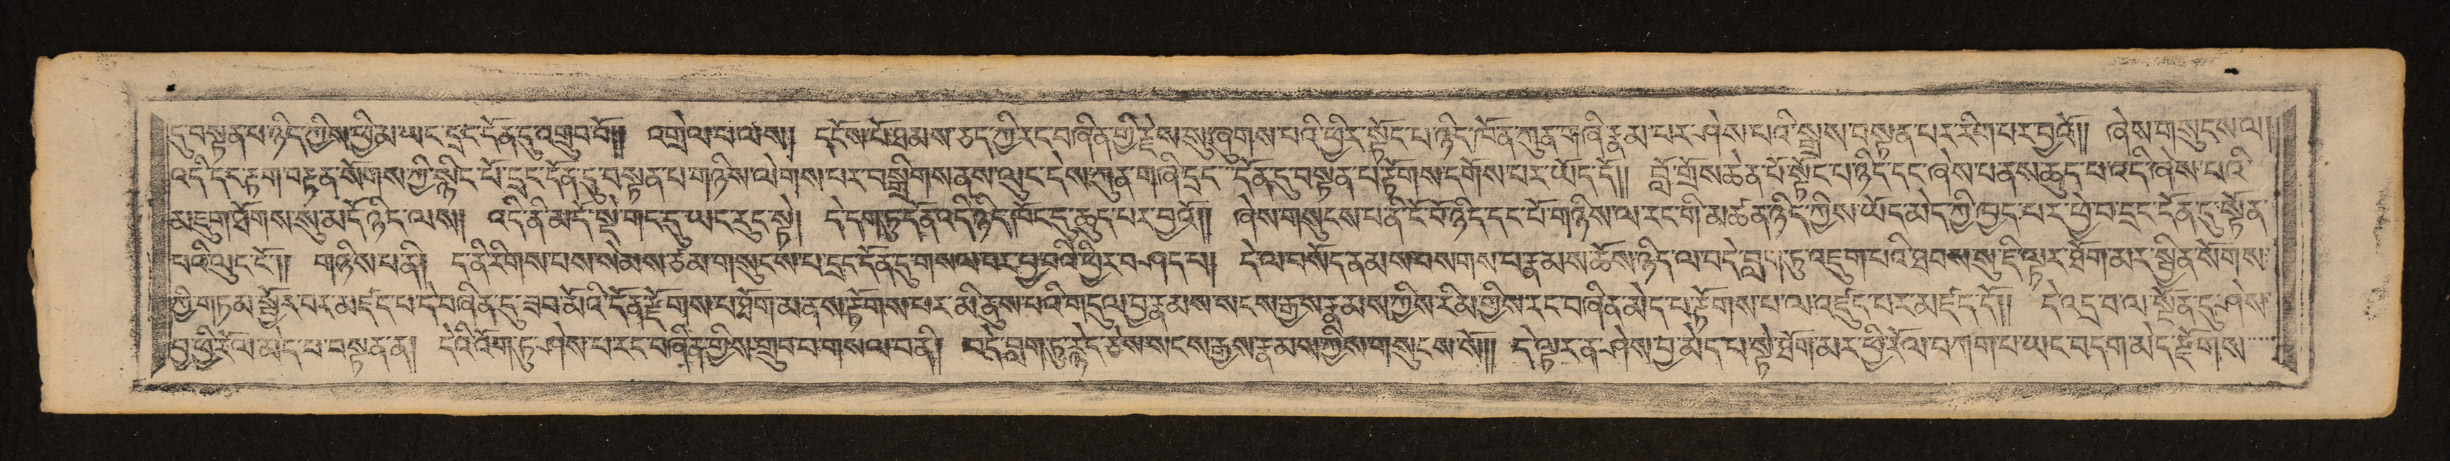དུ་བསྟན་པ་ཉིད་ཀྱིས་ཕྱི་མ་ཡང་དྲང་དོན་དུ་འགྲུབ་བོ།། འགྲེལ་པ་ལས། དངོས་པོ་ཐམས་ཅད་ཀྱི་རང་བཞིན་གྱི་རྗེས་སུ་ཞུགས་པའི་ཕྱིར་སྟོང་པ་ཉིད་ཁོ་ན་ཀུན་གཞི་རྣམ་པར་ཤེས་པའི་སྒྲས་བསྟན་པར་རིག་པར་བྱའོ།། ཞེས་གསུངས་ལ།
འདི་དང་རྟག་བརྟན་སོགས་ཀྱི་སྙིང་པོ་དྲང་དོན་དུ་བསྟན་པ་གཉིས་ལེགས་པར་བསྒྲིགས་ནས་ལུང་དེས་ཀུན་གཞི་དྲང་དོན་དུ་བསྟན་པ་རྟོགས་དགོས་པར་ཡོད་དོ།། བློ་གྲོས་ཆེན་པོ་སྟོང་པ་ཉིད་དང་ཞེས་པ་ནས་ཆུད་པ་འདི་ཞེས་པའི་
མཇུག་ཐོགས་སུ་མདོ་ཉིད་ལས། འདི་ནི་མདོ་སྡེ་གང་དུ་ཡང་རུང་སྟེ། དེ་དག་ཏུ་དོན་འདི་ཉིད་ཁོང་དུ་ཆུད་པར་བྱའོ།། ཞེས་གསུངས་པ་ནི་ངོ་བོ་ཉིད་དང་པོ་གཉིས་ལ་རང་གི་མཚན་ཉིད་ཀྱིས་ཡོད་མེད་ཀྱི་ཁྱད་པར་ཕྱེ་བ་དྲང་དོན་དུ་སྟོན་
པའི་ལུང་ངོ།། གཉིས་པ་ནི། ད་ནི་རིགས་པས་སེམས་ཙམ་གསུངས་པ་དྲང་དོན་དུ་གསལ་བར་བྱ་བའི་ཕྱིར་བཤད་པ། དེ་ལ་བསོད་ནམས་བསགས་པ་རྣམས་ཆོས་ཉིད་ལ་བདེ་བླག་ཏུ་འཇུག་པའི་ཐབས་སུ་ཇི་ལྟར་ཐོག་མར་སྦྱིན་སོགས་
ཀྱི་གཏམ་སྦྱོར་བར་མཛད་པ་དེ་བཞིན་དུ་ཟབ་མོའི་དོན་རྫོགས་པ་ཐོག་མ་ནས་རྟོགས་པར་མི་ནུས་པའི་གདུལ་བྱ་རྣམས་སངས་རྒྱས་རྣམས་ཀྱིས་རིམ་གྱིས་རང་བཞིན་མེད་པ་རྟོགས་པ་ལ་འཛུད་པར་མཛད་དོ།། དེ་འདྲ་བ་ལ་སྔོན་དུ་ཤེས་
བྱ་ཕྱི་རོལ་མེད་པ་བསྟན་ན། དེའི་འོག་ཏུ་ཤེས་པ་རང་བཞིན་གྱིས་གྲུབ་པ་གསལ་བ་ནི། བདེ་བླག་ཏུ་རྙེད་ཅེས་སངས་རྒྱས་རྣམས་ཀྱིས་གསུངས་སོ།། དེ་ལྟར་ན་ཤེས་བྱ་མེད་པ་སྟེ་ཐོག་མར་ཕྱི་རོལ་བཀག་པ་ཡང་བདག་མེད་རྫོགས་